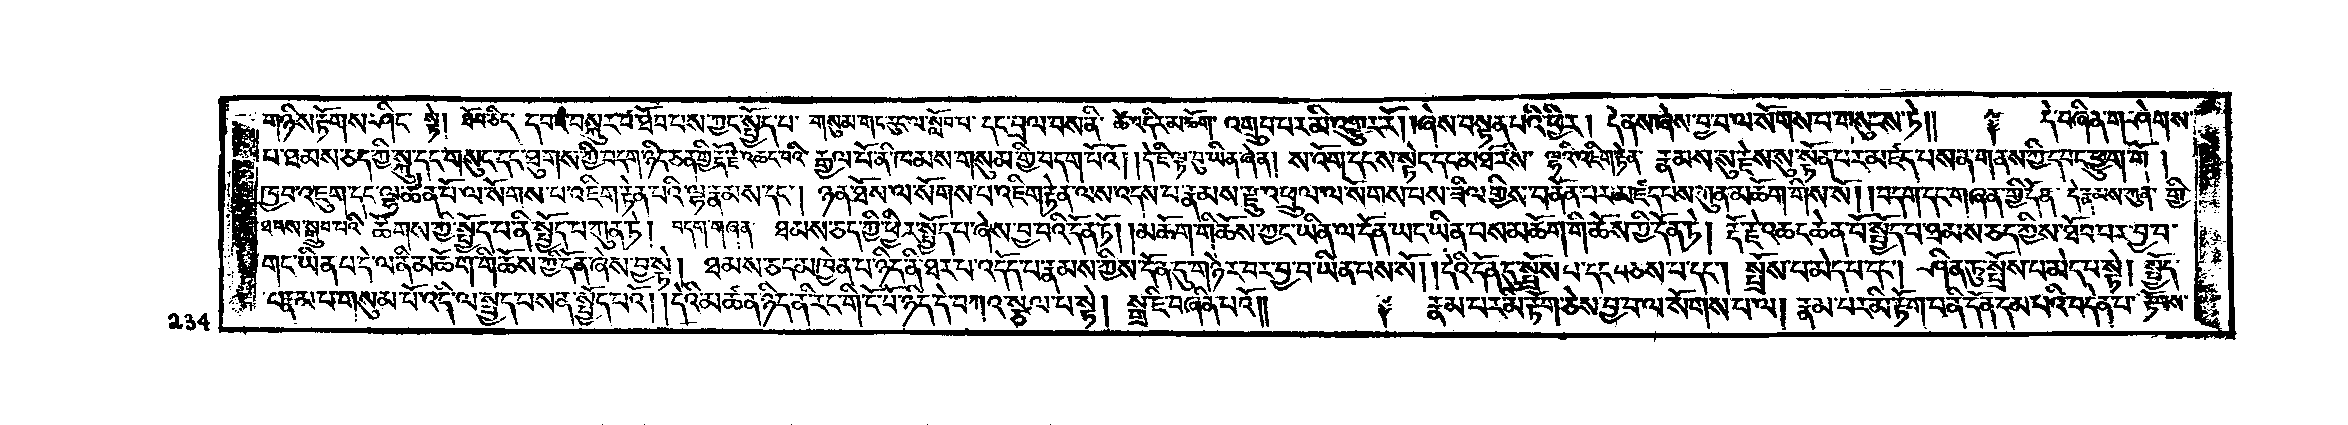གཉིས་རྟོགས་ཤིང་སྟེ། ཐོབ་ཅིང་དབང་བསྐུར་བ་ཐོབ་པས་ཀྱང་སྤྱོད་པ་གསུམ་གང་རུང་ལ་སློབ་པ་དང་བྲལ་བས་ནི་ཚེ་འདིར་མཆོག་འགྲུབ་པར་མི་འགྱུར་རོ། །ཞེས་བསྟན་པའི་ཕྱིར། དེ་ནས་ཞེས་བྱ་བ་ལ་སོགས་པ་གསུངས་ཏེ།། ༈ དེ་བཞིན་གཤེགས་
པ་ཐམས་ཅད་ཀྱི་སྐུ་དང་གསུང་དང་ཐུགས་ཀྱི་བདག་ཉིད་ཅན་གྱི་རྡོ་རྗེ་འཆང་བའི་རྒྱལ་པོ་ནི་ཁམས་གསུམ་གྱི་བདག་པོའོ། ། དེ་ཇི་ལྟ་བུ་ཡིན་ཞེ་ན།  ས་འོག་དང་ས་སྟེང་དང་མཐོ་རིས་ལྷའི་འཇིག་རྟེན་རྣམས་སུ་རྗེས་སུ་སྟོན་པར་མཛད་པས་ན་གནས་ཀྱི་དབང་ཕྱུག་གོ །
ཁྱབ་འཇུག་དང་ལྷ་ཆེན་པོ་ལ་སོགས་པ་འཇིག་རྟེན་པའི་ལྷ་རྣམས་དང་། ཉན་ཐོས་ལ་སོགས་པ་འཇིག་རྟེན་ལས་འདས་པ་རྣམས་རྫུ་འཕྲུལ་ལ་སོགས་པས་ཟིལ་གྱིས་གནོན་པར་མཛད་པས་ཀུན་མཆོག་གིས་སོ། །བདག་དང་གཞན་གྱི་དོན་དེ་རྣམས་ཀུན་གྱི་
ཐབས་སྒྲུབ་པའི་ཚོགས་ཀྱི་སྤྱོད་པ་ནི་སྤྱོད་པ་ཀུན་ཏེ། བདག་གཞན་ཐམས་ཅད་ཀྱི་ཕྱིར་སྤྱོད་པ་ཞེས་བྱ་བའི་དོན་ཏོ། །མཆོག་གི་ཆོས་ཀྱང་ཡིན་ལ་དོན་ཡང་ཡིན་པས་མཆོག་གི་ཆོས་ཀྱི་དོན་ཏེ། རྡོ་རྗེ་འཆང་ཆེན་པོ་སྤྱོད་པ་ཐམས་ཅད་ཀྱིས་ཐོབ་པར་བྱ་བ་
གང་ཡིན་པ་དེ་ལ་ནི་མཆོག་གི་ཆོས་ཀྱི་དོན་ཞེས་བྱ་སྟེ། ཐམས་ཅད་མཁྱེན་པ་ཉིད་ནི་ཐར་པ་འདོད་པ་རྣམས་ཀྱིས་དོན་དུ་གཉེར་བར་བྱ་བ་ཡིན་པས་སོ། །དེའི་དོན་དུ་སྤྲོས་པ་དང་བཅས་པ་དང་། སྤྲོས་པ་མེད་པ་དང་། ཤིན་ཏུ་སྤྲོས་པ་མེད་པ་སྟེ། སྤྱོད་
པ་རྣམ་པ་གསུམ་པོ་འདི་ལ་སྤྱད་པས་ན་སྤྱོད་པའོ། །དེའི་མཚན་ཉིད་ནི་རང་གི་ངོ་བོ་ཉིད་དེ་བཀའ་སྩལ་པ་སྟེ། སྒྲ་ཇི་བཞིན་པའོ།། ༈ རྣམ་པར་མི་རྟོག་ཅེས་བྱ་བ་ལ་སོགས་པ་ལ། རྣམ་པར་མི་རྟོག་པ་ནི་དོན་དམ་པའི་བདེན་པ་རྟོགས་